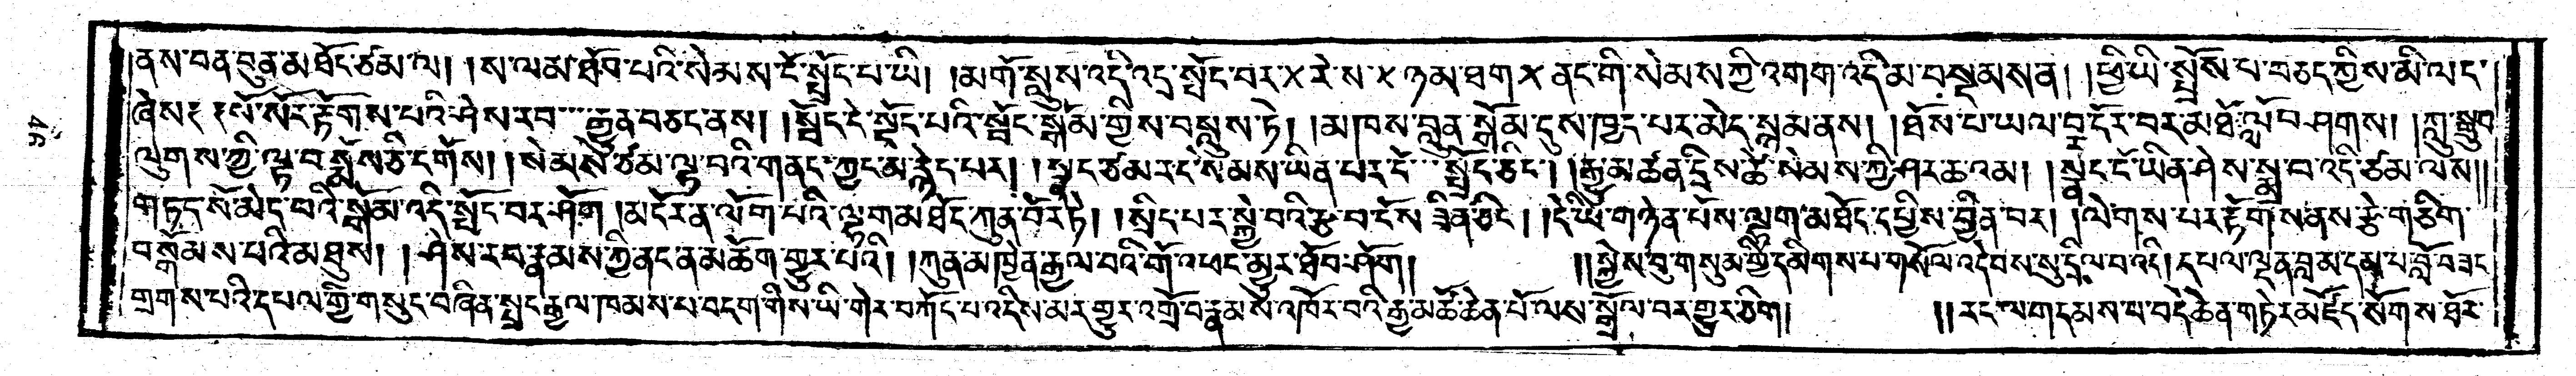ནས་བན་བུན་མཐོང་ཙམ་ལ། །ས་ལམ་ཐོབ་པའི་སེམས་ངོ་སྤྲོད་པ་ཡི། །མགོ་སླུས་འདི་འདྲ་སྤོང་བར་྾་རེ་ས་྾་ཉམ་ཐག་྾་ནང་གི་སེམས་ཀྱི་འགག་འདི་མ་བསྡམས་ན། །ཕྱི་ཡི་སྤྲོས་པ་བཅད་ཀྱིས་མི་ལང་
ཞེས༑ ༑སོ་སོར་རྟོགས་པའི་ཤེས་རབ་རྒྱུན་བཅད་ནས། །སྦོང་དེ་སྡོད་པའི་སྦོང་སྒོམ་གྱིས་བསླུས་ཏེ། །མཁས་བླུན་སྒོམ་དུས་ཁྱད་པར་མེད་སྙམ་ནས། །ཐོས་པ་ཡལ་བར་དོར་བར་མཐོལ་ལོ་བཤགས། །ཀླུ་སྒྲུབ་
ལུགས་ཀྱི་ལྟ་བ་སྨོས་ཅི་དགོས། །སེམས་ཙམ་ལྟ་བའི་གནང་ཀྱང་མ་རྙེད་པར། །སྣང་ཙམ་རང་སེམས་ཡིན་པར་ངོ་སྤྲོད་ཅིང་། །རྒྱུ་མཚན་དྲིས་ཚེ་སེམས་ཀྱི་ཤར་ཆ་འམ། །སྣང་ངོ་ཡིན་ཤེས་སྨྲ་བ་འདི་ཙམ་ལས།།
གཏད་སོ་མེད་པའི་སྒོམ་འདི་སྤོང་བར་ཤོག །མདོར་ན་ལོག་པའི་ལྷག་མཐོང་ཀུན་བོར་ཏེ། །སྲིད་པར་སྐྱེ་བའི་རྩ་བ་ངོས་ཟིན་ཅིང་། །དེ་ཡི་གཉེན་པོས་ལྷག་མཐོང་དཔྱིས་བྱིན་པར། །ལེགས་པར་རྟོགས་ནས་རྩེ་གཅིག་
བསྒོམས་པའི་མཐུས། །ཤེས་རབ་རྣམས་ཀྱི་ནང་ན་མཆོག་གྱུར་པའི། །ཀུན་མཁྱེན་རྒྱལ་བའི་གོ་འཕང་མྱུར་ཐོབ་ཤོག། །།སྐྱེས་བུ་གསུམ་གྱི་དམིགས་པ་གསོལ་འདེབས་སུ་དྲིལ་བ་འདི། དཔལ་ལྡན་བླ་མ་དམ་པ་བློ་བཟང་
གྲགས་པའི་དཔལ་གྱི་གསུང་བཞིན་སྤྲང་རྒྱལ་ཁམས་པ་བདག་གིས་ཡི་གེར་བཀོད་པ་འདིས་མར་གྱུར་འགྲོ་བ་རྣམས་འཁོར་བའི་རྒྱ་མཚོ་ཆེན་པོ་ལས་སྒྲོལ་བར་གྱུར་ཅིག། །།རང་ལ་གདམས་པ་བདེ་།ཆེན་གཏེར་མཛོད་སོགས་ཐོར་